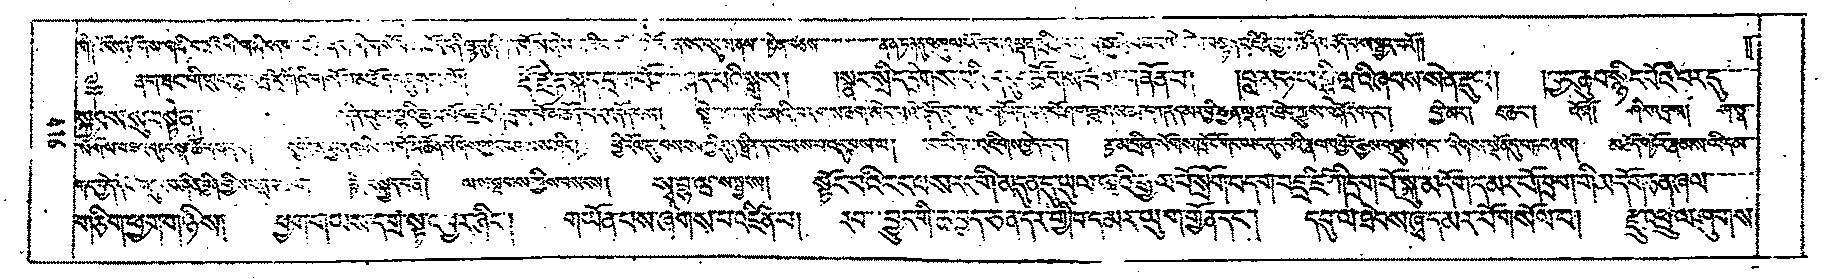གི་ཁོངས་རྟོགས་གཟི་བ་ཚང་གི་གཞི་བདག་ཛམ་ནག་གི་གསོལ་མཆོད་འདི་ལྟ་བུ་ཞིག་དགོས་ཞེས་གཟི་བ་དཔོན་ཚེ་རིང་དབང་འདུས་ནས་རྟེན་བཅས་ནན་ཏན་དུ་བསྐུལ་ངོར་དགའ་ལྡན་ཁྲི་བྱང་སྤྲུལ་སྐུ་བློ་བཟང་ཡེ་ཤེས་བསྟན་འཛིན་རྒྱ་མཚོར་འབོད་པས་སྦྱར་བའོ།། །།
༈ ནག་ཐང་གི་ཡུལ་ལྷ་བཛྲ་ཛྭ་ཀིའི་གསོལ་མཆོད་བཞུགས་སོ། །རྡོ་རྗེ་རྟ་སྐད་དྲག་པོར་བཞད་པའི་སྒྲས། །སྣང་སྲིད་དྲེགས་པའི་དཔུང་ཚོགས་ཟིལ་གནོན་པ། །བླ་མ་ཧ་ཡ་གྷྲི་ཝའི་ཞབས་སེན་རྡུལ། །བྱང་ཆུབ་སྙིང་པོའི་བར་དུ་
སྐྱབས་སུ་བསྟེན། འདིར་ཡུལ་ལྷའི་རྒྱལ་པོ་བཛྲ་ཛ་ཀི་དྲག་པོ་མཆོད་པར་འདོད་པས། སྟེགས་གཙང་མའི་ཁར་གས་ཆག་མེད་པའི་སྣོད་དུ་འབུལ་གཏོར་དམར་པོ་ཤ་གཟུགས་མ་དཀར་དམར་གྱི་རྒྱན་ལྡན་འཐེབ་ཀྱུས་བསྐོར་བ་དང་། ཕྱེ་མར། ཇ་ཆང་། འོ་ཞོ། ཤིང་འབྲས། ཤ་སྣ་
སོགས་བཟའ་བཏུང་སྣ་ཚོགས་དང་། འབྱོར་ན་སྤྱན་གཟིགས་གོ་མཚོན་སོགས་ཀྱང་བཤམས་ཤིང་། ཕྱི་རོལ་དུ་བསངས་ཀྱི་དུད་སྤྲིན་དང་བཅས་པ་འདུ་བྱས་ལ། རང་ཡི་དམ་འཇིགས་བྱེད་དང་། རྟ་མགྲིན་སོགས་ཁྲོ་བོ་གང་ཡང་རུང་བའི་རྣལ་འབྱོར་རྒྱས་བསྡུས་གང་རིགས་སྔོན་དུ་བཏང་ནས། མཆོད་གཏོར་རྣམས་ཡི་དམ་
གང་བྱེད་དེའི་གཞུང་བཞིན་བྱིན་གྱིས་བརླབས་ལ། རྟེན་བསྐྱེད་པ་ནི། ལས་སྔགས་ཀྱིས་བསངས། སྭཱ་བྷ་ཝ་ས་སྦྱངས།  སྟོང་པའི་ངང་ལས་རང་གི་མདུན་དུ་ཡུལ་ལྷའི་རྒྱལ་པོ་སྲོག་བདག་བཛྲ་ཛ་ཀི་དྲག་པོ་སྐུ་མདོག་དམར་པོ་ཁྲག་གི་མདོག་ཅན་ཞལ་
གཅིག་ཕྱག་གཉིས། ཕྱག་གཡས་དགྲ་སྟ་འཕྱར་ཞིང་། གཡོན་པས་ཞགས་པ་འཛིན་པ། རབ་བྱུང་གི་ཆ་བྱད་ཅན་དར་གྱི་ཁ་དམར་ཡུག་གྱོན་དང་། དབུ་ལ་ཐེབས་ཞྭ་དམར་པོ་གསོལ་བ། རྫུ་འཕྲུལ་ཤུགས་